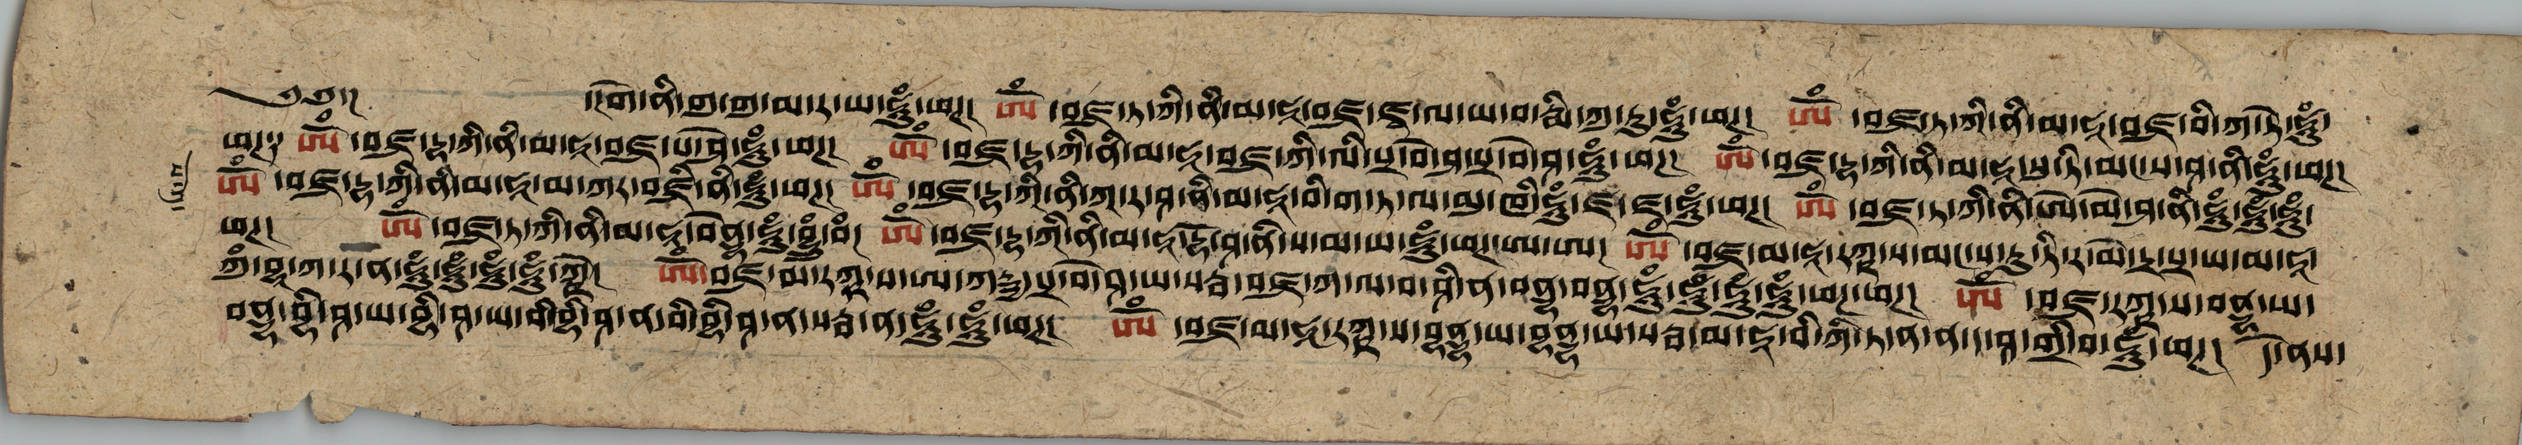༄༅་། ་།གེ་ནི་གུ་གུ་མ་ར་ཡ་ཧཱུཾ་ཕཊ། ཨོཾ་བཛྲ་ཏ་ཀི་ནི་མ་ཧཱ་བཛྲ་ཛྭ་ལ་ཡ་བ་རྨི་ཀུ་རུ་ཧཱུཾ་ཕཊ། ཨོཾ ་བཛྲ་ཏཀི་ནི་མ་ཧཱ་བཛྲ་བི་ཀ་ཏེ་ཧཱུཾ་
ཕཊ༑ ཨོཾ་བཛྲ་དྷ་ཀི་ནི་མ་ཧཱ་བཛྲ་པ་ཤེ་ཧཱུཾ་ཕཊ། ཨོཾ་བཛྲ་དྷ་ཀི་ནི་མ་ཧཱ་བཛྲ་ཀི་ལི་པྲ་བེ་ཤ་པྲ་བེ་ཤ་ཧཱུཾ་ཕཊ། ཨོཾ་བཛྲ་དྷ་ཀི་ནི་མ་ཧཱ་སུ་ཏི་མང་ས་ཤ་ནི་ཧཱུཾ་ཕཊ།
ཨོཾ་བཛྲ་དྷ་ཀི་ནི་མ་ཧཱ་མ་ཀར་བཛྲི་ནི་ཧཱུཾ་ཕཊ། ཨོཾ་བཛྲ་དྷ་ཀི་ནི་ཀ་ར་ཤ་ནི་མ་ཧཱ་བི་ག་ཏ་ལ་མུ་ཁི་ཧཱུཾ་ཛ་ཛ་ཧཱུཾ་ཕཊ། ཨོཾ་བཛྲ་ཏ་ཀི་ནི་ཨེ་མེ་ཤ་ནི་ཧཱུཾ་ཧཱུཾ་ཧཱུཾ་
ཕཊ། ཨོཾ་བཛྲ་ཏ་ཀི་ནི་མ་ཧཱ་བནྡྷེ་ཧཱུཾ་བྷྲུཾ་བཾ། ཨོ་བཛྲ་དྷ་ཀི་ནི་མ་ཧཱ་དྷོ་ཤ་ནི་ས་མ་ཡ་ཧཱུཾ་ཕཊ་ཨ་ཨ། ཨོཾ་བཛྲ་མ་ཧཱ་རཀྵ་ས་མང་ས་རུ་ཏི་ར་མེ་དྲ་པྲ་ཡ་མ་ཧཱ་
ཀུཾ་བྷཱ་ཀ་ར་ན་ཧཱུཾ་ཧཱུཾ་ཧཱུཾ་ཧཱུཾ་ཀྵེ། ཨོཾ་བཛྲ་མོ་རཀྵ་ས་ཨ་ཀརྦྱ་པྲ་བེ་ཤྭ་ཡ་སརྦ་བཛྲ་ཀ་ལ་བ་ཤི་ན་བནྡྷ་ནྡྷ་ཧཱུཾ་ཧཱུཾ་ཧཱུཾ་ཧཱུཾ་ཕཊ་ཕཊ། ཨོཾ་བཛྲ་རཀྵ་ས་བནྡྷ་ཡ་
བནྡྷ་བྷི་ཤ་ཡ་བྷི་ཤ་ཡ་བི་བྷི་ཤ་ན་བི་བྷི་ཤ་ན་སརྦ་ན་ཧཱུཾ་ཧཱུཾ་ཕཊ། ཨོཾ ་བཛྲ་མ་ཧཱ་རཀྵ་ས་བྷནྡྷ་ཡ་བྷནྡྷ་ཡ་སརྦ་མ་ཧཱ་བི་ཀི་ཏ་ན་ན་ད་ཤྭ་གྲི་བ་ཧཱུཾ་ཕཊ། དེ་ནས་